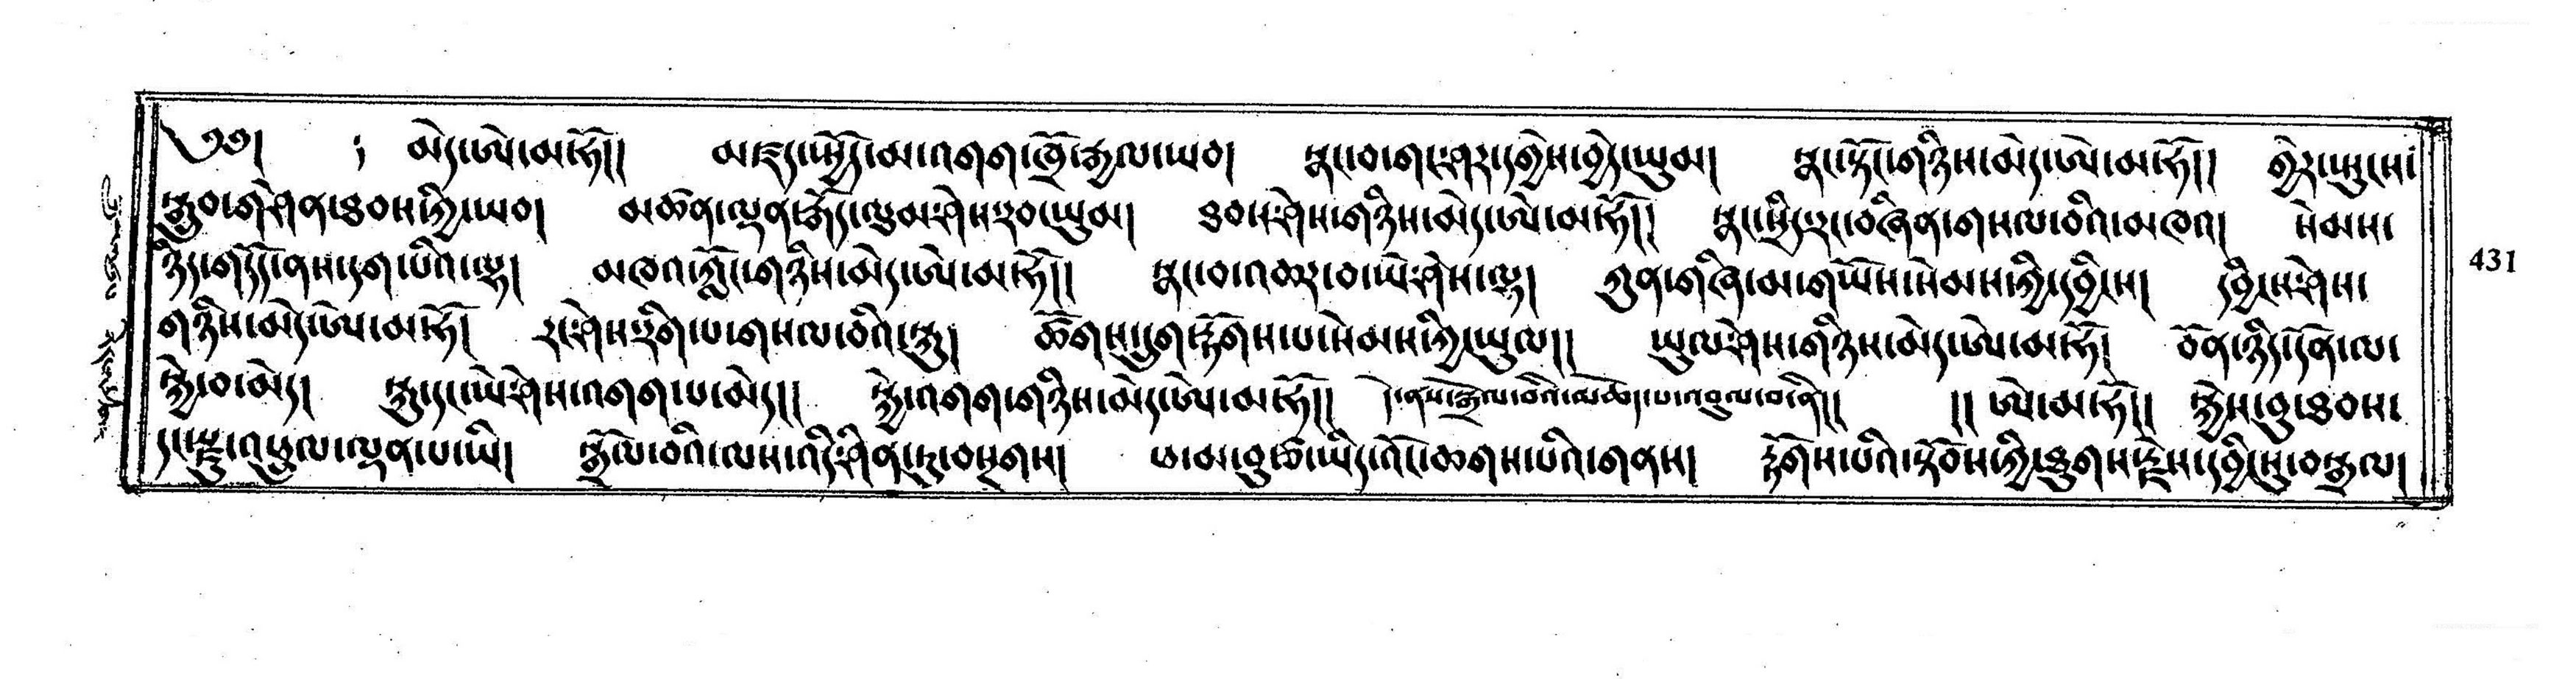མེད་ཨེ་མ་ཧོ།། མཛད་སྤྱོད་མ་འགག་ཁྲོ་རྒྱལ་ཡབ། སྣང་བ་གར་ཤར་དགྱེས་བྱེད་ཡུམ། སྣང་སྟོང་གཉིས་མེད་ཨེ་མ་ཧོ།། གྱེར་སྤུངས་
སྒྲུབ་གཤེན་ཐབས་ཀྱི་ཡབ།། མཚན་ལྡན་རྒོད་ལྕམ་ཤེས་རབ་ཡུམ། ཐབས་ཤེས་གཉིས་མེད་ཨེ་མ་ཧོ།། སྣང་སྲིད་རང་བཞིན་གསལ་བའི་མཁའ། སེམས་
ཉིད་གདོད་ནས་དག་པའི་ལྷ། མཁའ་ཀློང་གཉིས་མེད་ཨེ་མ་ཧོ།། སྣང་བ་འཆར་བ་ཡེ་ཤེས་ལྷ། ཀུན་གཞི་མ་གཡོས་སེམས་ཀྱི་དབྱིངས། དབྱིངས་ཤེས་
གཉིས་མེད་ཨེ་མ་ཧོ། རང་ཤེས་རིག་པ་གསལ་བའི་སྐུ། ཚོགས་དྲུག་རྟོགས་པ་སེམས་ཀྱི་ཡུལ།། ཡུལ་ཤེས་གཉིས་མེད་ཨེ་མ་ཧོ། བོན་ཉིད་དོན་ལ་
སྐྱེ་བ་མེད། སྐུ་དང་ཡེ་ཤེས་འགག་པ་མེད། སྐྱེ་འགག་གཉིས་མེད་ཨེ་མ་ཧོ།། དེ་ནས་{444}སྒྲོལ་བའི་མཆོད་པ་འབུལ་བ་ནི། །།ཨེ་མ་ཧོ།། སྐྱེས་བུ་ཐབས་
དང་རྫུ་འཕྲུལ་ལྡན་པ་ཡི།། སྒྲོལ་བའི་ལས་འདི་ཤིན་ཏུ་བསྔགས། ཕ་མ་བུ་ཙ་ཡིད་འོང་ཆགས་པའི་གནས། རྟོགས་པའི་སྟོབས་ཀྱི་ཐུགས་རྗེས་དབྱིངས་སུ་བསྒྲལ།